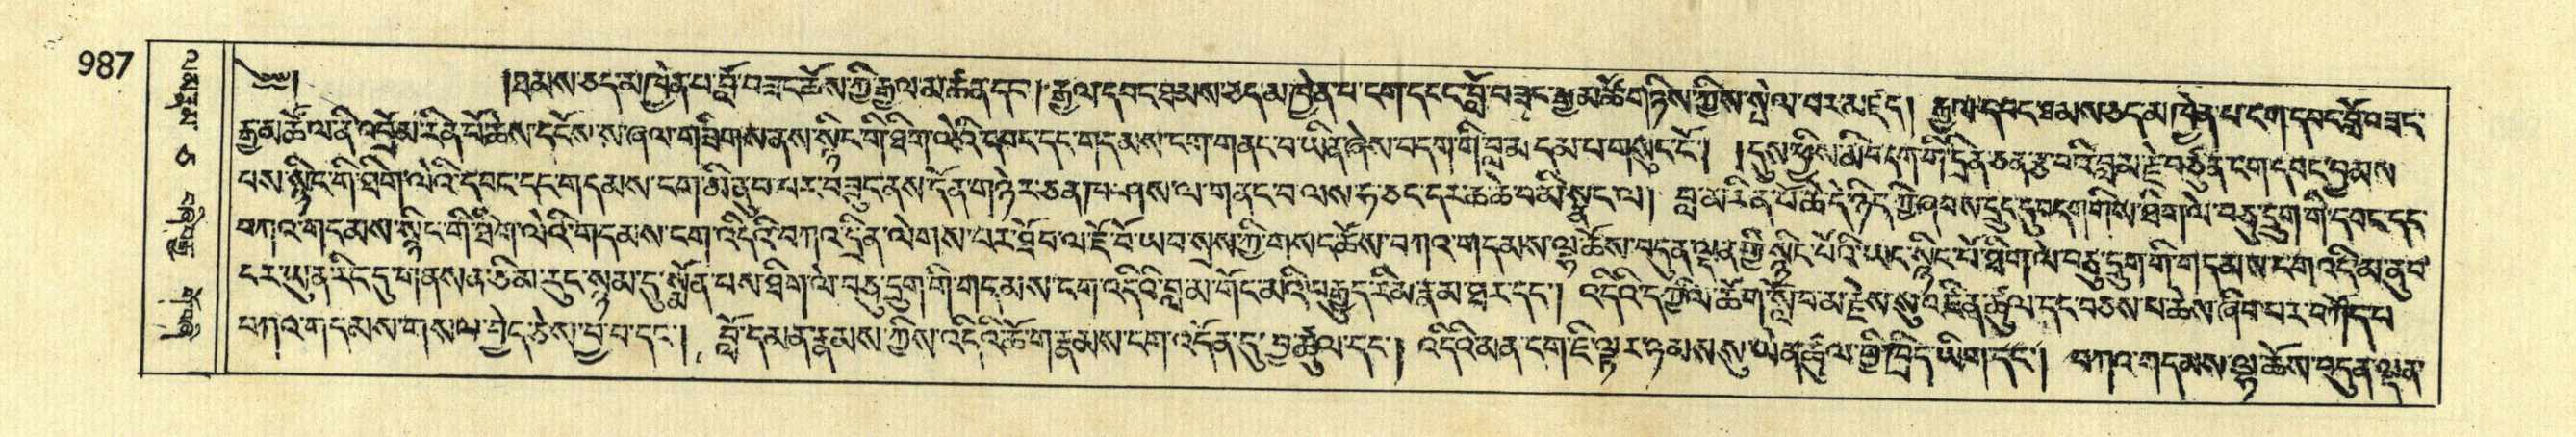༄༅། །ཐམས་ཅད་མཁྱེན་པ་བློ་བཟང་ཆོས་ཀྱི་རྒྱལ་མཚན་དང་། རྒྱལ་དབང་ཐམས་ཅད་མཁྱེན་པ་ངག་དབང་བློ་རྒྱ་མཚོ་གཉིས་ཀྱིས་སྤེལ་བར་མཛད། རྒྱལ་དབང་ཐམས་ཅད་མཁྱེན་པ་ངག་དབང་བློ་བཟང་
རྒྱ་མཚོལ་ནི་འབྲོམ་རིན་པོ་ཆེས་དངོས་ས་ཞལ་གཟིགས་ནས་སྙིང་གི་ཐིག་ལེའི་དབང་དང་གདམས་ངག་གནང་བ་ཡིན་ཞེས་བདག་གི་བླ་མ་དམ་པ་གསུང་ངོ། །དུས་ཕྱིས་མི་བདག་གི་དྲིན་ཅན་རྩ་བའི་བླ་མ་རྗེ་བཙུན་ངག་དབང་བྱམས་
པས་སྙིང་གི་ཐིག་ལེའི་དབང་དང་གདམས་ངག་མི་ནུབ་པར་བཟུང་ནས་དོན་གཉེར་ཅན་ཁ་ཤས་ལ་གནང་བ་ལས་ཧ་ཅང་དར་ཆ་ཆེ་བ་མི་སྣང་ལ། བླ་མ་རིན་པོ་ཆེ་དེ་ཉིད་ཀྱི་ཞབས་དྲུང་དུ་བདག་གིས་ཐིག་ལེ་བཅུ་དྲུག་གི་དབང་དང་
བཀའ་གདམས་སྙིང་གི་ཐིག་ལེའི་གདམས་ངག་འདིའི་བཀའ་དྲིན་ལེགས་པར་ཐོབ་ལ་ཇོ་བོ་ཡབ་སྲས་ཀྱི་གསང་ཆོས་བཀའ་གདམས་ལྷ་ཆོས་བདུན་ལྡན་གྱི་སྙིང་པོའི་ཡང་སྙིང་པོ་ཐིག་ལེ་བཅུ་དྲུག་གི་གདམས་ངག་འདི་མ་ནུབ་
ངར་ཡུན་རིང་དུ་གནས་ན་ཅིམ་རུང་སྙམ་དུ་སྨོན་པས་ཐིག་ལེ་བཅུ་དྲུག་གི་གདམས་ངག་འདིའི་བླ་གོང་མའི་བརྒྱུད་རིམ་རྣམ་ཐར་དང་། འདིའི་དཀྱིལ་ཆོག་སློབ་མ་རྗེས་སུ་འཛིན་ཚུལ་དང་བཅས་པ་ཆེས་ཞིབ་པར་བཀོད་པ་
བཀའ་གདམས་གསལ་བྱེད་ཅེས་བྱ་བ་དང་། བློ་དམན་རྣམས་ཀྱིས་འདིའི་ཆོ་ག་རྣམས་ངག་འདོན་དུ་བྱ་ཚུལ་དང་། འདིའི་མན་ངག་ཇི་ལྟར་ཉམས་སུ་ཡེན་ཚུལ་གྱི་ཁྲིད་ཡིག་དང་། བཀའ་གདམས་ལྷ་ཆོས་བདུན་ལྡན་